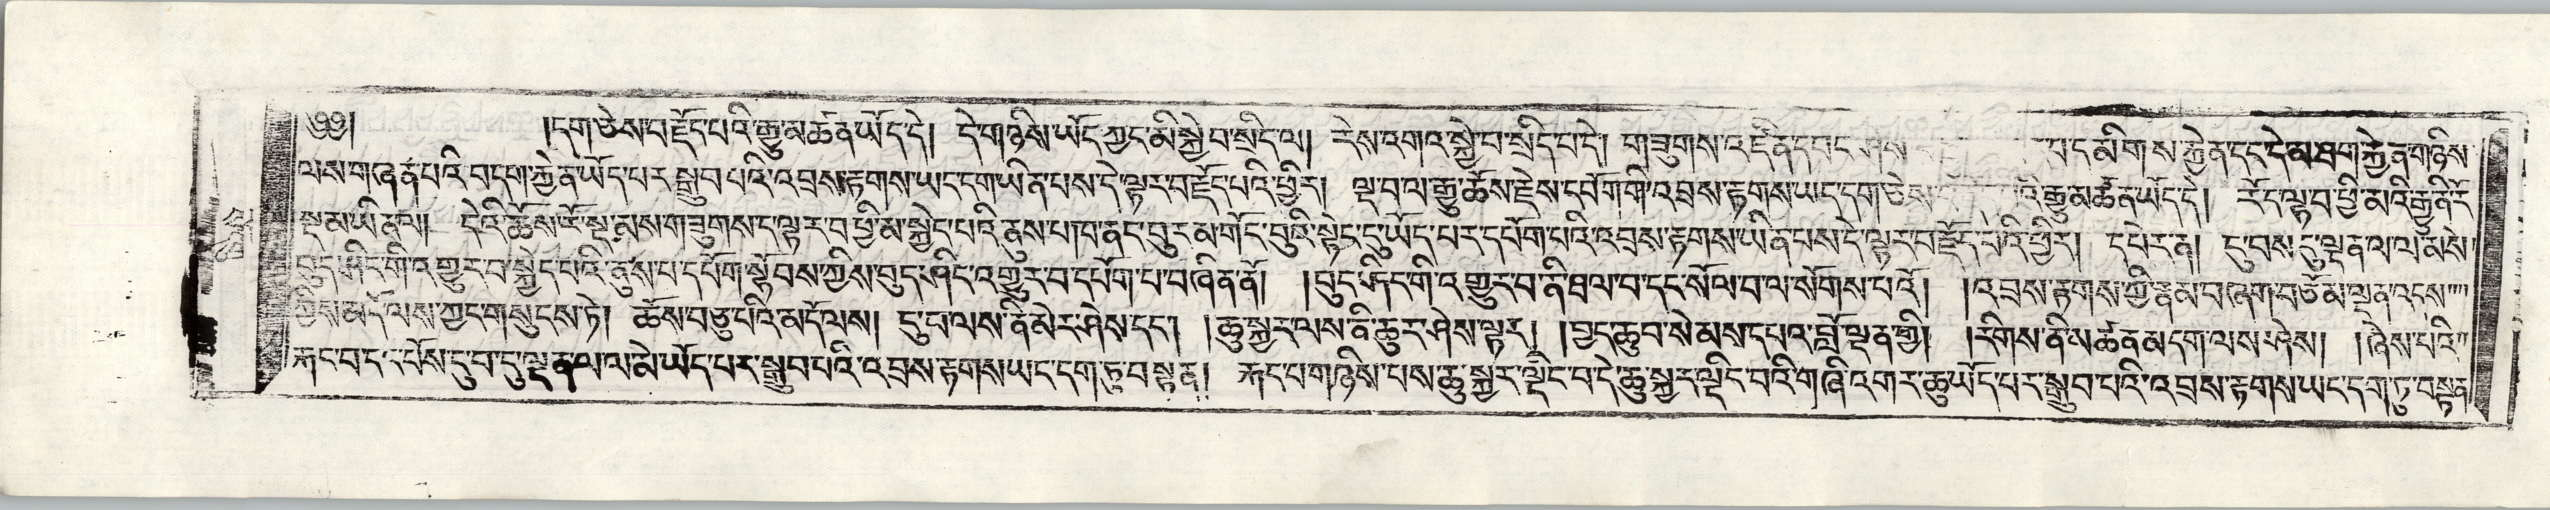༄༅། །དག་ཅེས་བརྗོད་པའི་རྒྱུ་མཚན་ཡོད་དེ། དེ་གཉིས་ཡོད་ཀྱང་མི་སྐྱེ་བ་སྲིད་ལ། རེས་འགའ་སྐྱེ་བ་སྲིད་པ་དེ། གཟུགས་འཛིན་དབང་ཤེས་ལ་རྒྱུ་ཁྱད་པར་བ་དམིགས་རྐྱེན་དང་དེ་མ་ཐག་རྐྱེན་གཉིས་
ལས་གཞན་པའི་བདག་རྐྱེན་ཡོད་པར་སྒྲུབ་པའི་འབྲས་རྟགས་ཡང་དག་ཡིན་པས་དེ་ལྟར་བརྗོད་པའི་ཕྱིར། ལྔ་བ་ལ་རྒྱུ་ཆོས་རྗེས་དཔོག་གི་འབྲས་རྟགས་ཡང་དག་ཅེས་བརྗོད་པའི་རྒྱུ་མཚན་ཡོད་དེ། རོ་ད་ལྟ་བ་ཕྱི་མའི་རྒྱུ་ནི་རོ་
སྔ་མ་ཡིན་ལ། དེའི་ཆོས་རོ་སྔ་མས་གཟུགས་ད་ལྟ་བ་ཕྱི་མ་སྐྱེད་པའི་ནུས་པ་ཁ་ནང་བུ་རམ་གོང་བུའི་སྟེང་དུ་ཡོད་པར་དཔོག་པའི་འབྲས་རྟགས་ཡིན་པས་དེ་ལྟར་བརྗོད་པའི་ཕྱིར། དཔེར་ན། དུ་བས་དུ་ལྡན་ལ་ལ་མེས་
བུད་ཤིང་གི་འགྱུར་བ་སྐྱེད་པའི་ནུས་པ་དཔོག་སྟོབས་ཀྱིས་བུད་ཤིང་འགྱུར་བ་དཔོག་པ་བཞིན་ནོ། །བུད་ཤིང་གི་འགྱུར་བ་ནི་ཐལ་བ་དང་སོལ་བ་ལ་སོགས་པའོ། །འབྲས་རྟགས་ཀྱི་རྣམ་བཞག་བཅོམ་ལྡན་འདས་
ཀྱིས་མདོ་ལས་ཀྱང་གསུངས་ཏེ། ཆོས་བཅུ་པའི་མདོ་ལས། དུ་བ་ལས་ནི་མེར་ཤེས་དང་། །ཆུ་སྐྱར་ལས་ནི་ཆུར་ཤེས་ལྟར། །བྱང་ཆུབ་སེམས་དཔའ་བློ་ལྡན་གྱི། །རིགས་ནི་མཚན་མ་དག་ལས་ཤེས། །ཞེས་པའི་
རྐང་བ་དང་པོས་དུ་བ་དུ་ལྡན་ལ་ལ་མེ་ཡོད་པར་སྒྲུབ་པའི་འབྲས་རྟགས་ཡང་དག་ཏུ་བསྟན། རྐང་བ་གཉིས་པས་ཆུ་སྐྱར་ལྡིང་བ་དེ་ཆུ་སྐྱར་ལྡིང་བའི་གཞི་འགར་ཆུ་ཡོད་པར་སྒྲུབ་པའི་འབྲས་རྟགས་ཡང་དག་ཏུ་བསྟན་